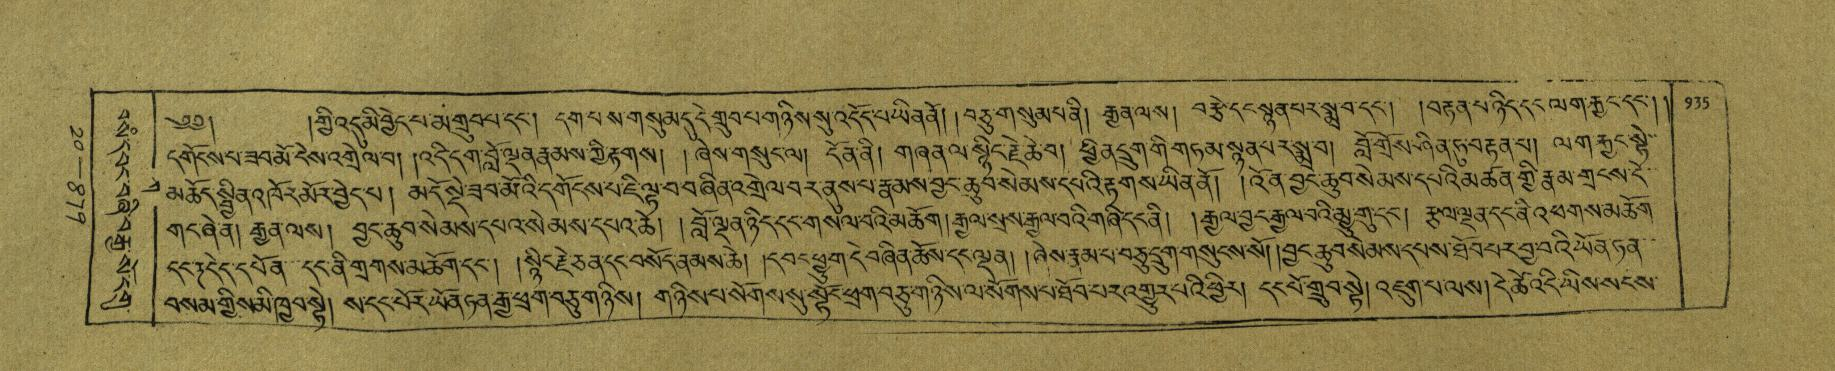༄༅། །གྱི་འདུ་མི་བྱེད་པ་མ་གྲུབ་པ་དང་། དག་པ་ས་གསུམ་དུ་དེ་གྲུབ་པ་གཉིས་སུ་འདོད་པ་ཡིན་ནོ། །བཅུ་གསུམ་པ་ནི། རྒྱན་ལས། བརྩེ་དང་སྙན་པར་སྨྲ་བ་དང་། །བརྟན་པ་ཉིད་དང་ལག་རྐྱང་དང་། །
དགོངས་པ་ཟབ་མོ་ངེས་འགྲེལ་བ། །འདི་དག་བློ་ལྡན་རྣམས་ཀྱི་རྟགས། །ཞེས་གསུང་ལ། དོན་ནི། གཞན་ལ་སྙིང་རྗེ་ཆེ་བ། ཕྱིན་དྲུག་གི་གཏམ་སྙན་པར་སྨྲ་བ། བློ་གྲོས་ཤིན་ཏུ་བརྟན་པ། ལག་རྐྱང་སྟེ་
མཆོད་སྦྱིན་འཁོར་མོར་བྱེད་པ། མདོ་སྡེ་ཟབ་མོའི་དགོངས་པ་ཇི་ལྟ་བ་བཞིན་འགྲེལ་བར་ནུས་པ་རྣམས་བྱང་ཆུབ་སེམས་དཔའི་རྟགས་ཡིན་ནོ། །འོ་ན་བྱང་ཆུབ་སེམས་དཔའི་མཚན་གྱི་རྣམ་གྲངས་དེ་
གང་ཞེ་ན། རྒྱན་ལས། བྱང་ཆུབ་སེམས་དཔའ་སེམས་དཔའ་ཆེ། །བློ་ལྡན་ཉིད་དང་གསལ་བའི་མཆོག །རྒྱལ་སྲས་རྒྱལ་བའི་གཞི་དང་ནི། །རྒྱལ་བྱང་རྒྱལ་བའི་མྱུ་གུ་དང་། རྩལ་ལྡན་དང་ནི་འཕགས་མཆོག་
དང༑ དེད་དཔོན་དང་ནི་གྲགས་མཆོག་དང་། །སྙིང་རྗེ་ཅན་དང་བསོད་ནམས་ཆེ། །དབང་ཕྱུག་དེ་བཞིན་ཆོས་དང་ལྡན། །ཞེས་རྣམ་པ་བཅུ་དྲུག་གསུངས་སོ། །བྱང་ཆུབ་སེམས་དཔས་ཐོབ་པར་བྱ་བའི་ཡོན་ཏན་
བསམ་གྱིས་མི་ཁྱབ་སྟེ། ས་དང་པོར་ཡོན་ཏན་རྒྱ་ཕྲག་བཅུ་གཉིས། གཉིས་པ་སོགས་སུ་སྟོང་ཕྲག་བཅུ་གཉིས་ལ་སོགས་པ་ཐོབ་པར་འགྱུར་པའི་ཕྱིར། དང་པོ་གྲུབ་སྟེ། འཇུག་པ་ལས། དེ་ཚེ་འདི་ཡིས་སངས་